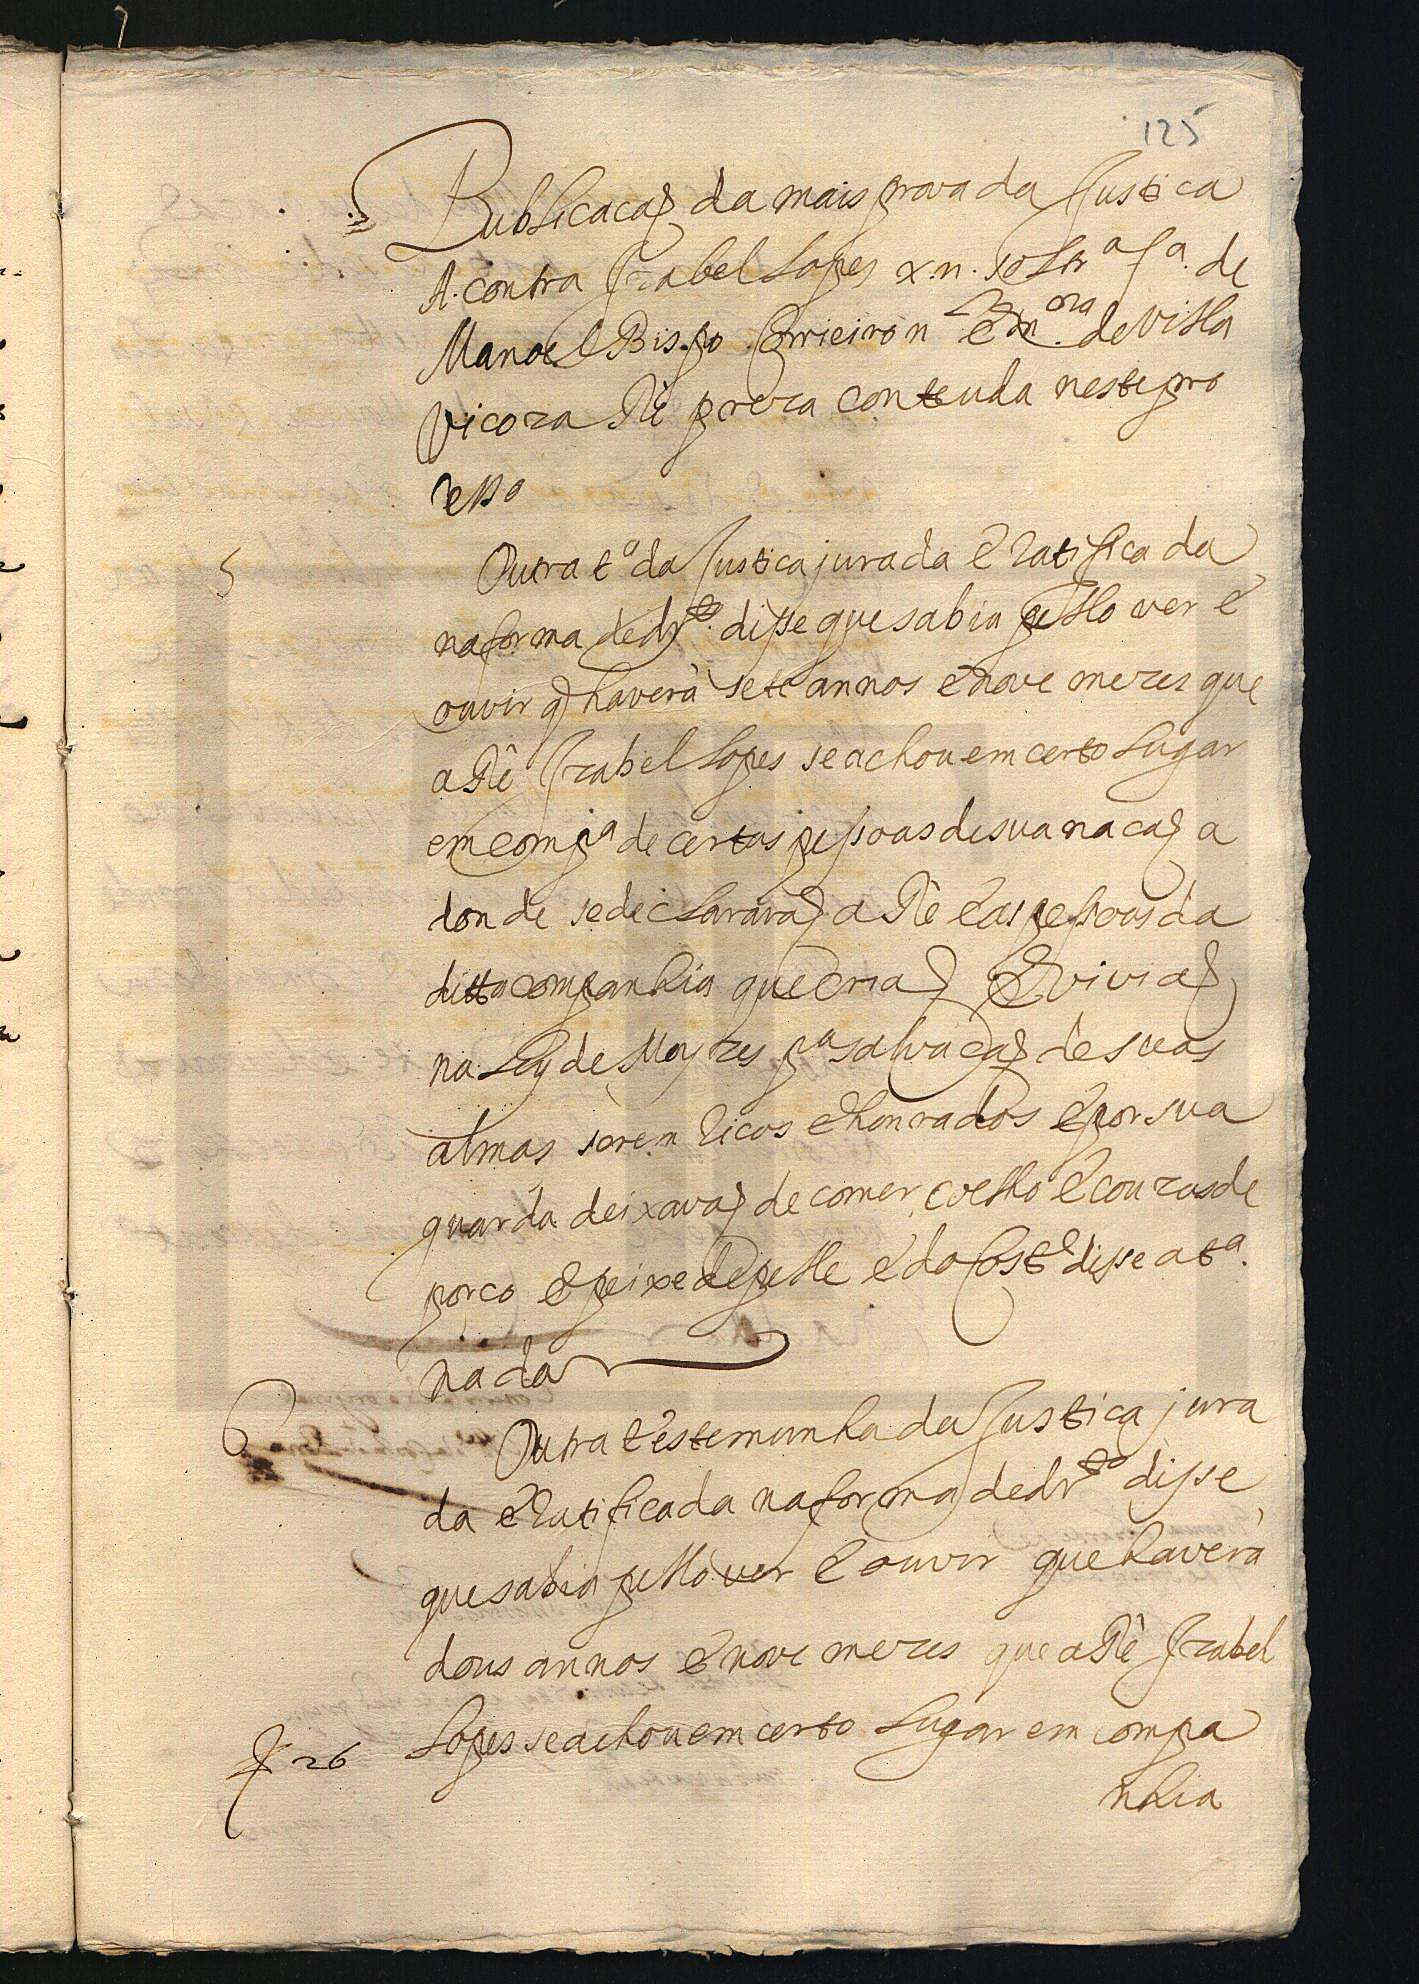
Publicacaõ da mais prova da Justica
A. contra Jzabel Lopes x.n. soltra fa. de
Manoel Bispo Corrieiro nl e mora. de Villa
Vicoza Rè preza conteuda neste pro
cesso
Outra ta da Justica jurada e ratificada
na forma de drto. disse que sabia pello ver e
ouvir q̄ haverà sete annos e nove mezes que
a Rè Jzabel lopes se achou em certo lugar
em compa de certas pessoas de sua nacaõ a
donde se declararaõ a Rè e as pessoas da
ditta companhia que criaõ e viviaõ
na Ley de Moyzes pa salvacaõ de suas
almas, serem Ricos e honrados e por sua
guarda deixavaõ de comer coelho e couzas de
porco e peixe de pelle e do Coste disse a ta.
nada
Outra testemunha da Justica jura
da e Ratificada na forma de drto disse
que sabia pello ver e ouvir que haverà
dous annos e nove mezes que a Rè Jzabel
lopes se achou em certo lugar em compa
nhia
